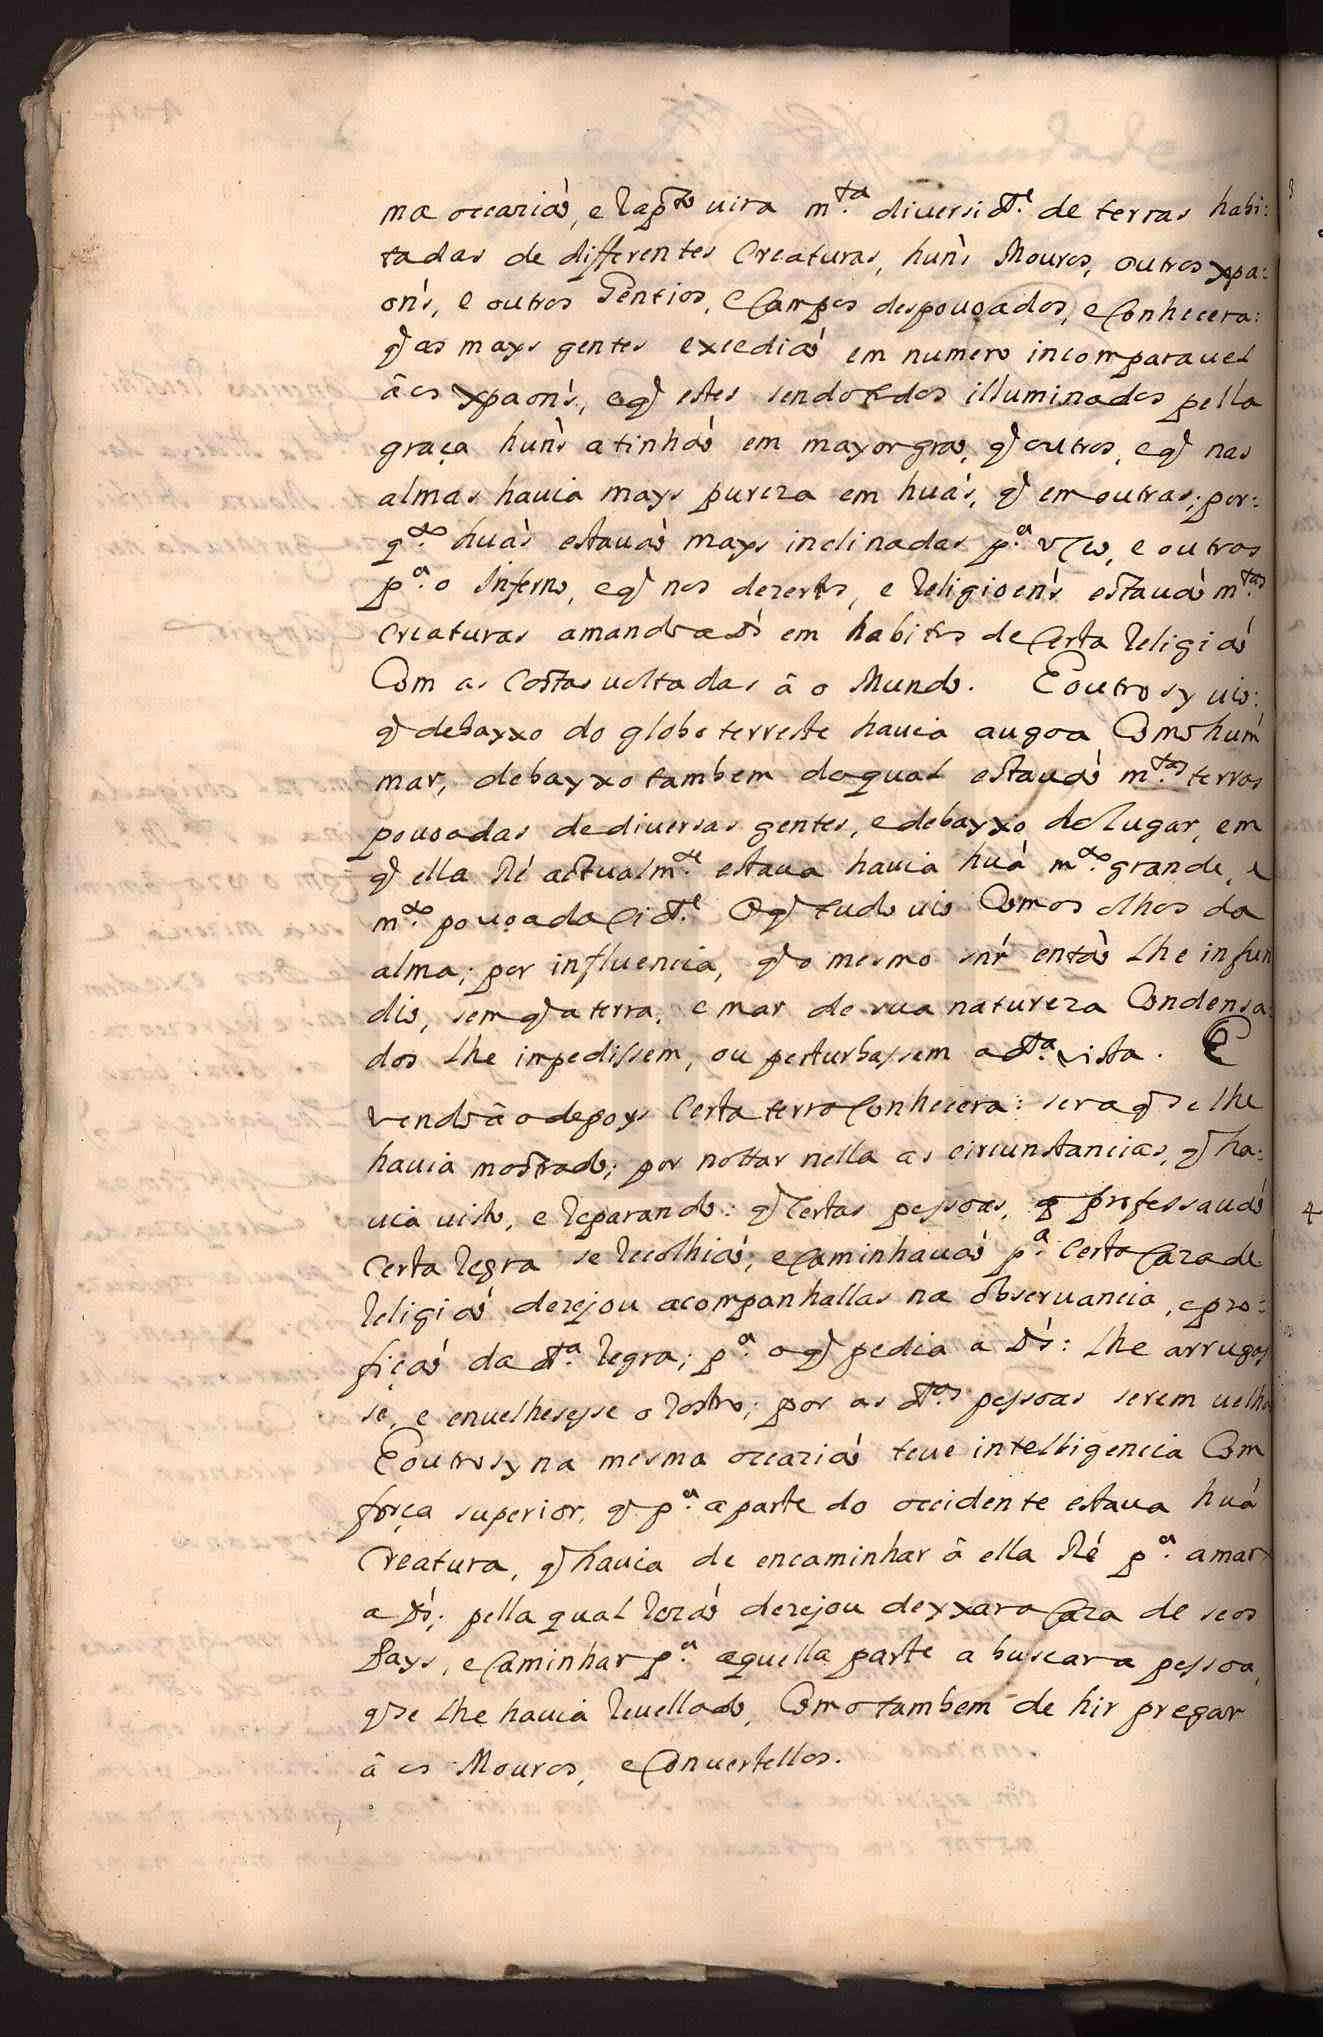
na occaziaõ, e Rapto uira m.ta diuersid.e de terras habi
tadas de differentes Creaturas, hun̄s Mouros, outros xpa
ons̄, e outros Gentios, e Campos despouoados, e Conhecera
q̄ as mays gentes excediaõ em numero incomparauel
aos xpaons̄, e q̄ estes sendo todos illuminados pella
graça huns̄ a tinhaõ em mayor grao, q̄ outros, e q̄ nas
almas hauia mays pureza em huās, q̄ em outras; por
q.to huas̄ estauaõ mais inclinadas p.a o Ceo, e outras
p.a o Inferno, e q̄ nos dezertos, e Religioens̄ estauaõ m.tas
criaturas amando a Ds̄ em habitos de Certa Religiaõ
Com as Costa uoltadas âo Mundo. E outrosy uio
q̄ debayxo do globo terreste hauia augoa Como hum
mar, debayxo tambem do qual estauaõ m.tas terras
pouoadas de diuersas gentes, e debayxo do lugar, em
q̄ ella Ré actualm.te estaua hauia huā m.to grande, e
m.to pouoada Cid̄.e O q̄ tudo uio Com os olhos da
alma; por influencia, q̄ o mesmo snr̄ então lhe infun
dio, sem q̄ a terra, e mar de sua natureza condensa
dos lhe impedissem, ou perturbassem a d̄.a vista. E
vendo âo depoys certa terra conhecera: ser a q̄ se lhe
hauia mostrado; por nottar nella as circunstancias, q̄ ha
uia uisto, e Reparando q̄ certas pessoas, q̄ professauaõ
certa Regra, se Recolhiaõ, e Caminhauaõ p.a certa Caza de
Religiaõ dezejou acompanhallas na obseruancia, e pro
fiçaõ da d̄.a Regra, p.a o q̄ pedia a Ds̄ lhe arrugas
se, e enuelhesesse o Rostro; por as d̄.as pessoas serem uelha
E outrosy na mesma occaziaõ teue intelligencia Com
força superior, q̄ p.a a parte do occidente estaua huā
Creatura, q̄ hauia de encaminhar à ella Ré p.a amar
a Ds̄. pella qual Rezaõ dezejou deixar a Caza de seos
Pays, e Caminhar p.a aquella parte a buscar a pessoa
q̄ se lhe hauia Reuellado, Como tambem de hir pregar
âos Mouros, e Conuertellos.
